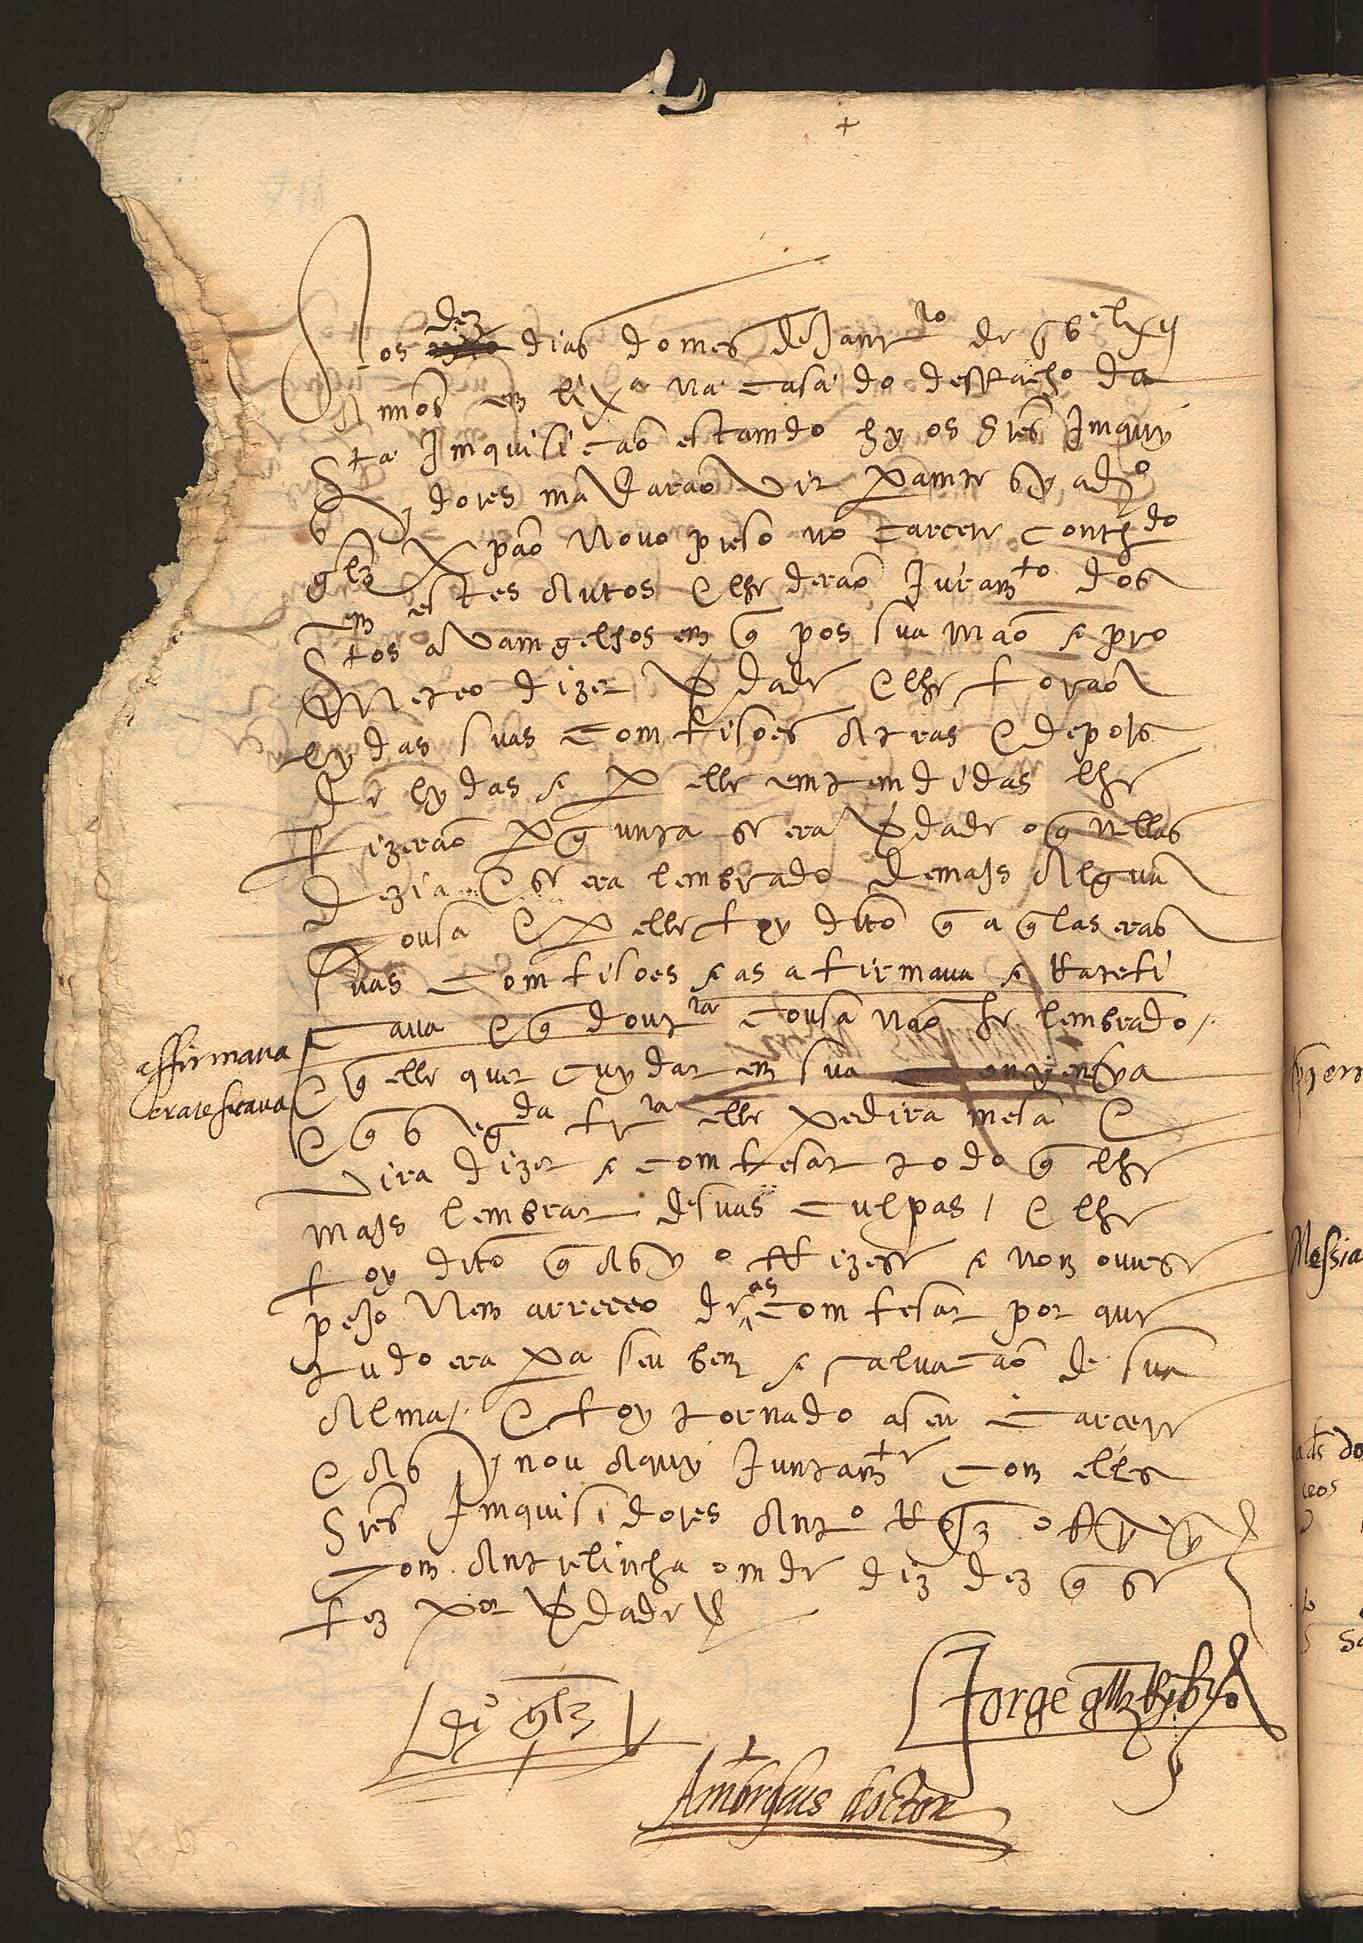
Aos dez dias do mes de Janero de j bc lxij
Annōs em lixa na casa do despacho da
Sta. Jmquisiçaõ estamdo hy os sr̄es Jmquy
sydores mādaraõ vir ꝑamte sy a djo
gl̄z Xpão nouo preso no carcere conthdo
em estes Autos e lhe deraõ Juramto dos
Stos avamgelhos em q̄ pos sua maõ e pro
meteo dizer ꝟdade e lhe foraõ
lydas suas comfisoes Atras e depois
de lydas e ꝑ elle emtemdidas lhe
fizerão ꝑgunta se era ꝟdade o q̄ nellas
dezia e se era lembrado de majs Alguā
Cousa e ꝑ elle foy dīto q̄ aq̄las eraõ
suas comfisoes e as afirmaua e Ratefi
affirmaua
caua e q̄ doutra cousa não he lembrado /
e rateficaua
e q̄ elle quer cuydar em sua concyencya
e q̄ segda fera elle pedira mesa e
vira dizer e comfesar todo q̄ lhe
majs lembrar de suas culpas / e lhe
foy dit̄o q̄ Asy o ffizese e nom ouuese
peJo Nem arreceo de
as
comfesar porque
tudo era ꝑa seu bem e saluaçaõ de sua
Alma / e foy tornado a seu carcere
e Asynou Aquy Juntamte com elles
Sr̄es Jmquisidores Anto Rōjz o stp̄vy
Com Antrelinha omde diz q̄ se
fez por ꝟdade
Jorge ḡllz Rybro
Dio ḡlz
Ambrosius doctor
